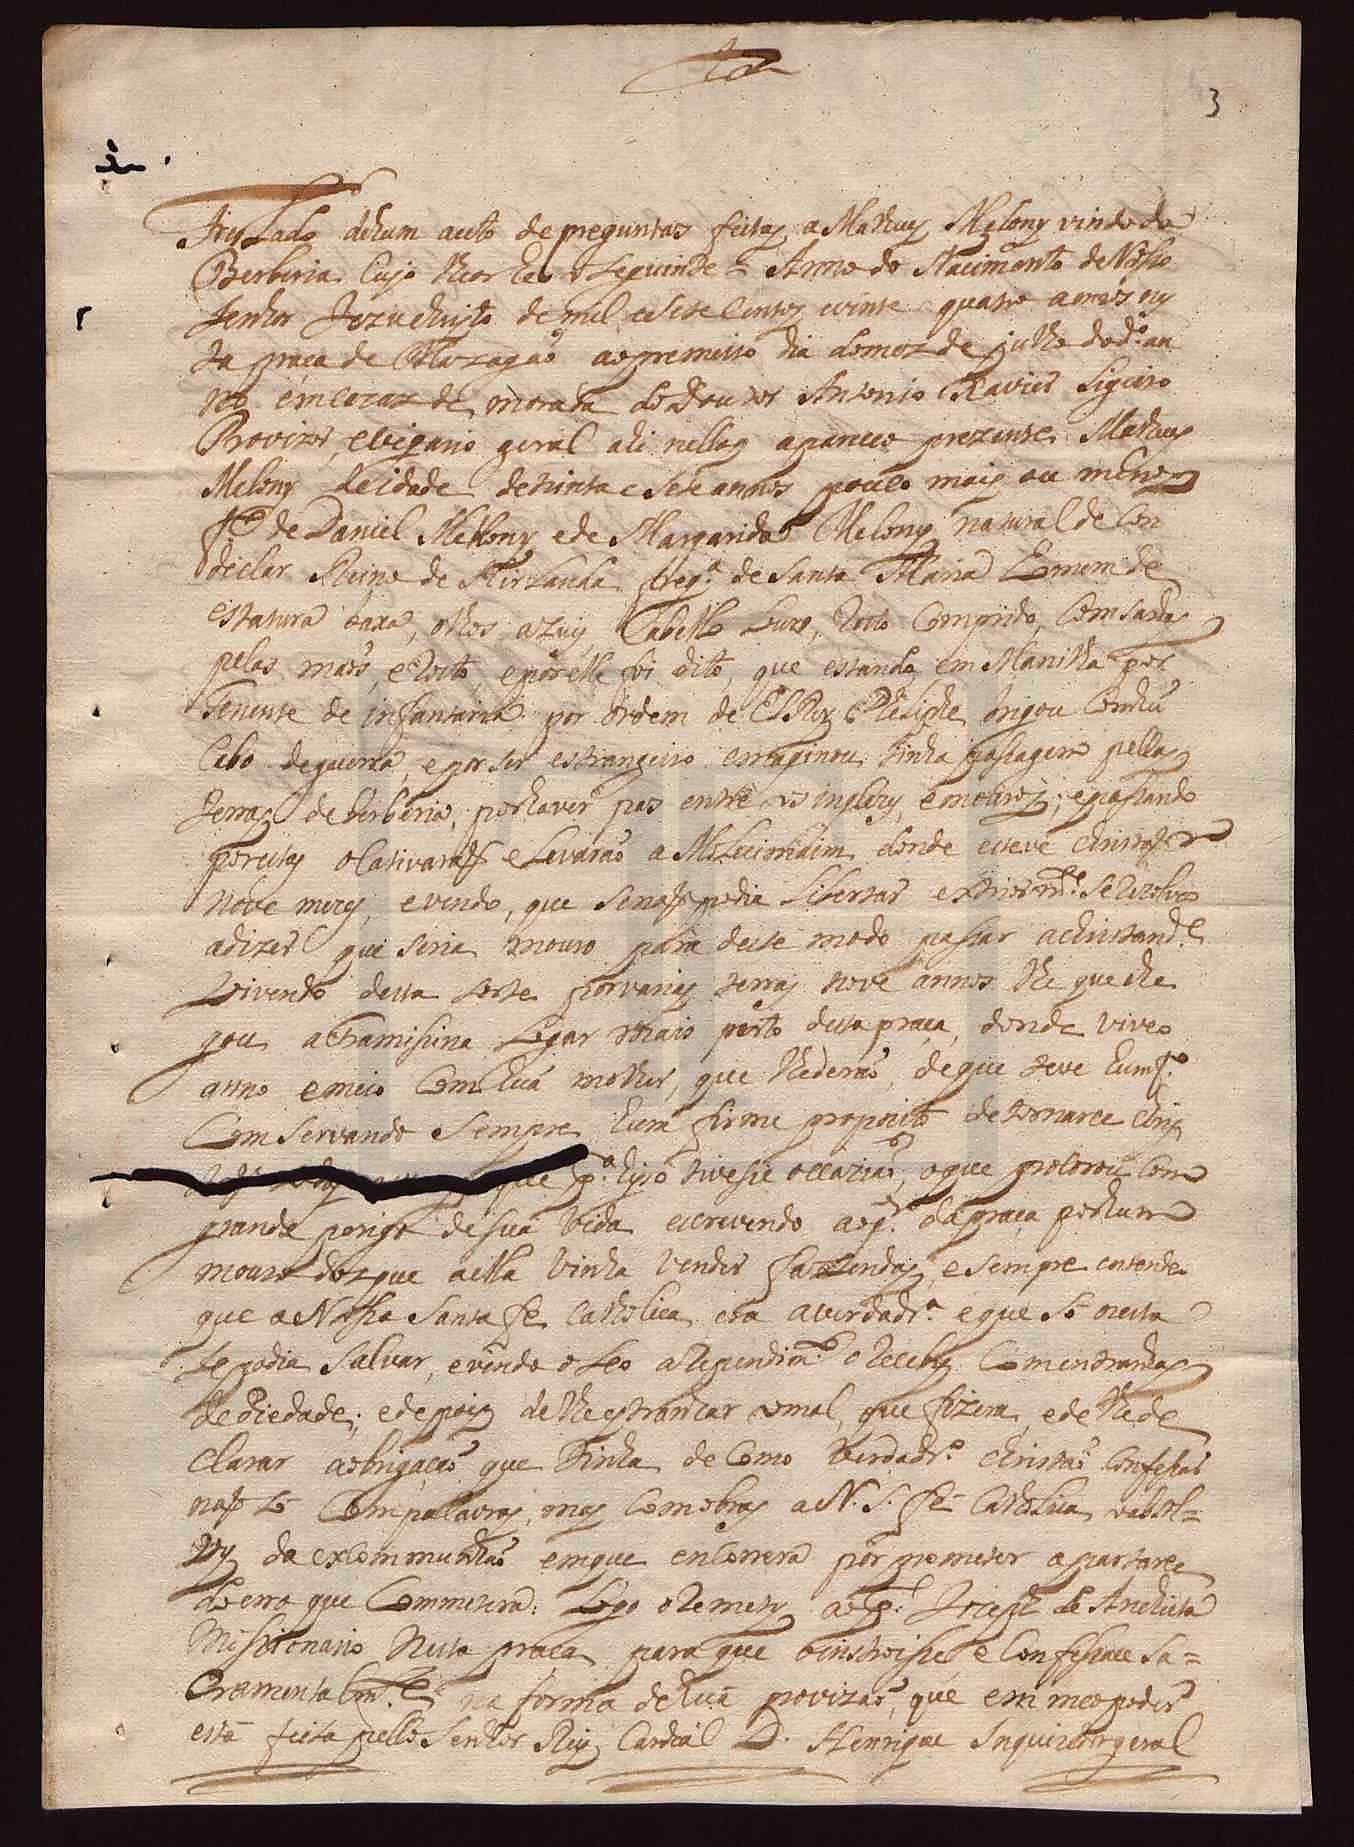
TresLado de hum auto de preguntas feitas a Matheus Melony vindo da
Berberia Cujo theor he o seguinte = Anno do Nacimento de Nosso
senhor Iezu christo de mil e setecentos e vinte quatro annos nes
ta praça de Mazagaõ ao primeiro dia do mez de julho do d.o an
no em cazaz de morada do Doutor Antonio Xavier Ligeiro
Provizor, e vigario geral ahi nellas apareceo prezente Matheus
Melony de idade de trinta e sete annos pouco mais ou menos
f.o de Daniel Mellony e de Margarida Melony natural de Con
diclar Reino de Hirlanda freg.a de Santa Maria homem de
estatura baxa, olhos azuis, Cabello Louro, Rosto Comprido, Com sarda
pelas maõs, e Rosto, e por elle foi dito, que estando em Manilha por
Tenente de infantaria por ordem de El Rey Pheliphe brigou Com hū
Cabo de guerra, e por ser estrangeiro emaginou tinha passagem pellas
terras de berberia, por haver pas entre os inglezes, e mouros; e passando
por ellas o Cativaraõ e Levaraõ a MoLuimdim donde esteve christaõ
nove mezes, e vendo, que se naõ podia Libertar exteriom.te se Rezolveo
a dizer que seria mouro para desse modo passar a christand.e
Vivendo desta sorte por varias terras nove annos the que che
gou a Tramissina Logar mais perto desta praça, donde viveo
anno e meio Com huā molher, que lhe deraõ, de que teve hum f.o
Comservando sempre hum firme propozito de tornarce chris
p.a hyso tivesse occaziaõ, o que procorou com
grande perigo de sua Vida escrevendo ao p.ro da praça por hum
mouro dos que a ella vinha vender fazendas, e sempre entendeo
que a Nossa Santa fe catholica, era a verdadr.a e que só nesta
se podia salvar, e vindo o seo aRependim.to o Receby Com entranhas
de odiedade; e depois de lhe estranhar o mal, que fizera e de lhe de
clarar a obrigaçaõ que tinha de Como verdadr.o christaõ Confessar
naõ só Com palavras, mas Com obras a N. S. fé Catholica o absol
vy da excommunhaõ em que encorrera por prometer apartarce
do erro que Commetera. Logo o Remety ao p.e Jozeph de Anchieta
Missionario nesta praça pera que o instroisse, e Confessace sa
Cramentalm.te na forma de huā provizaõ, que em meo poder
está feita pello Senhor Rey Cardial D. Henrique Inquizidor geral
